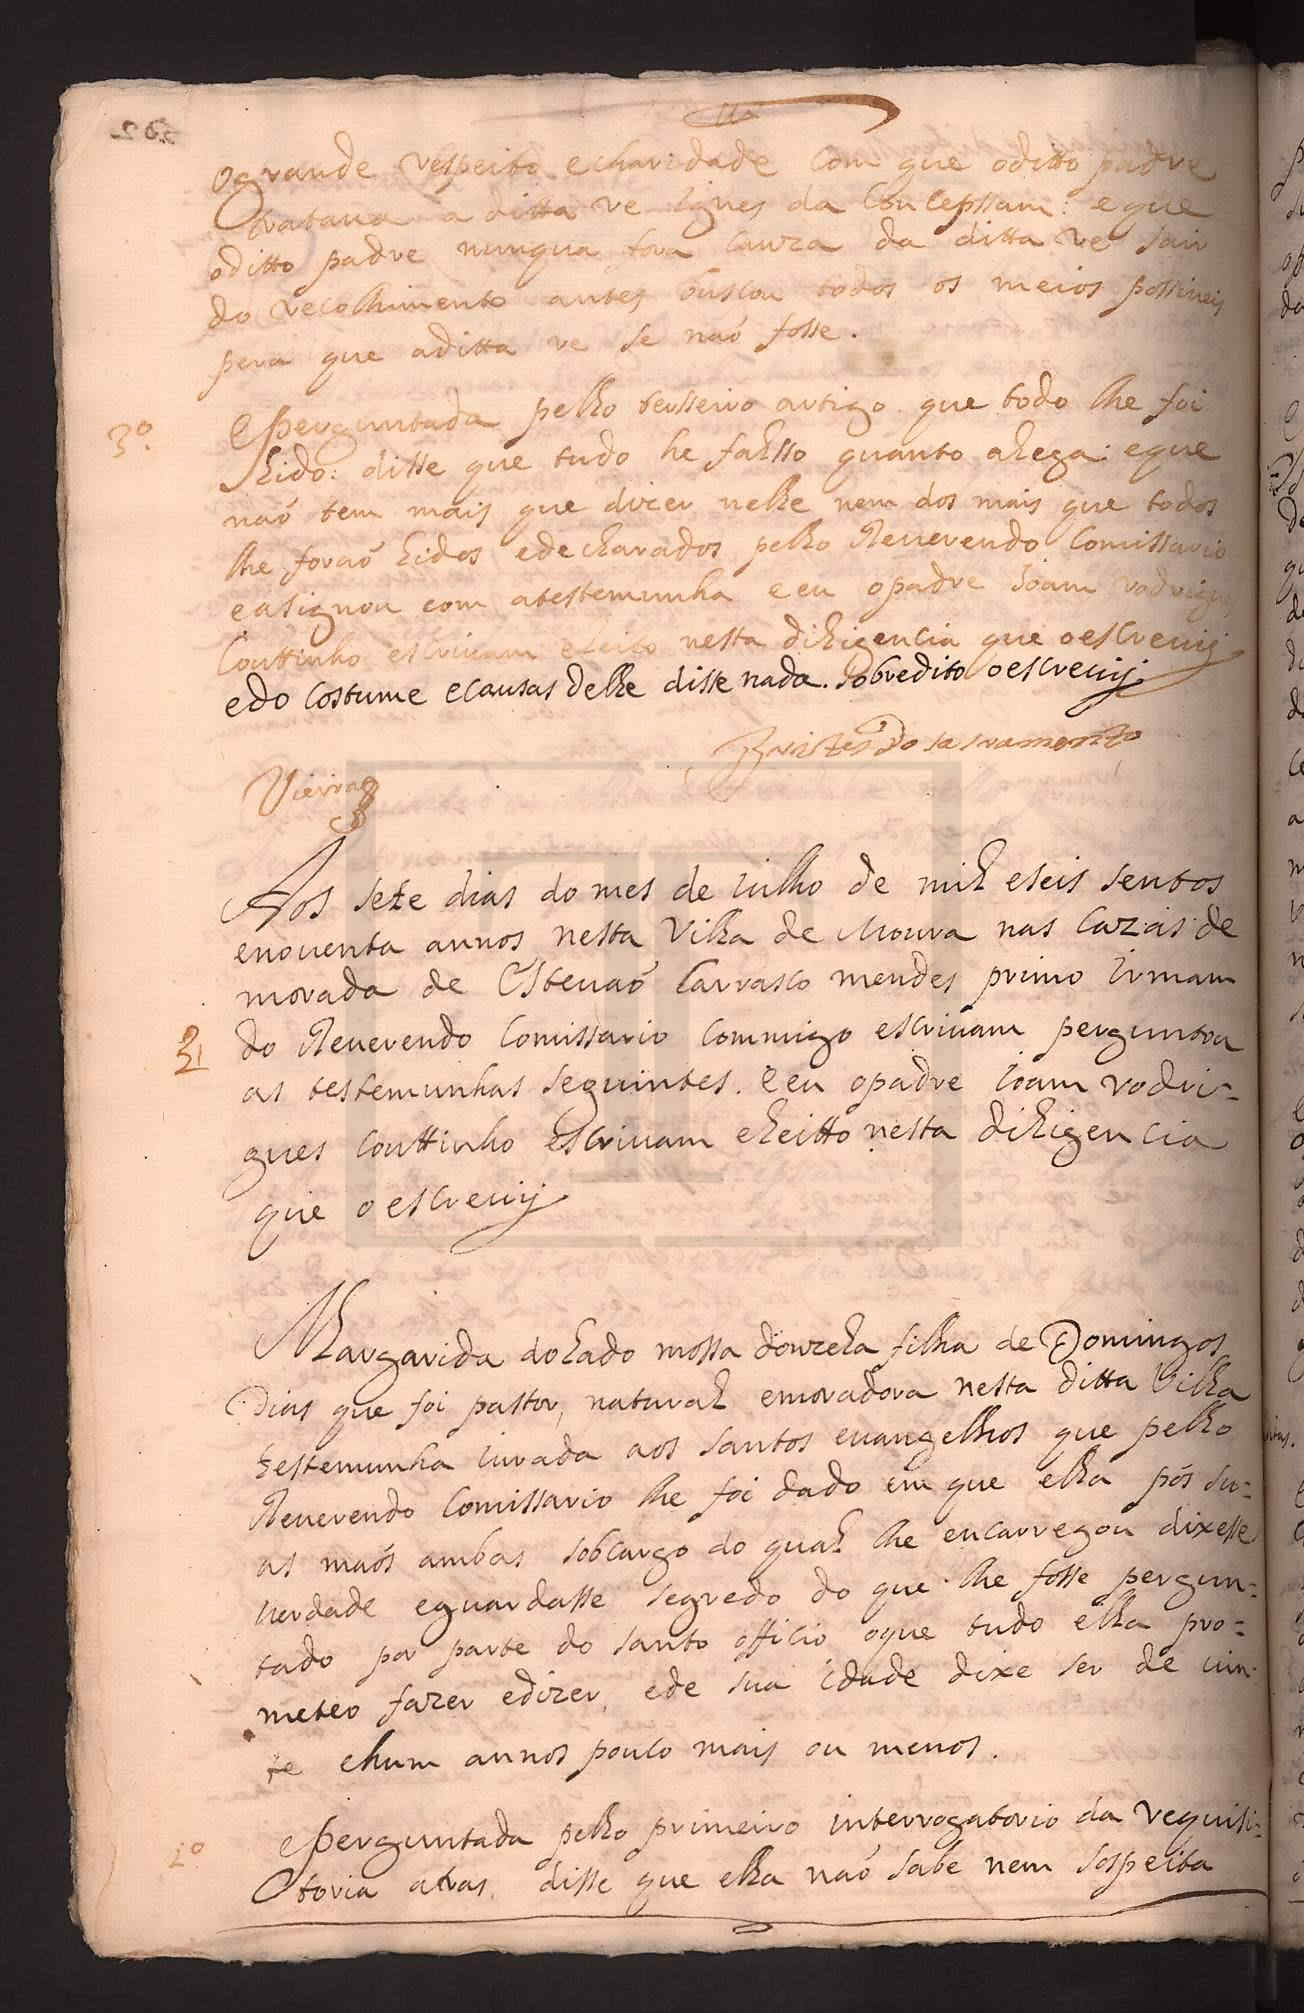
o grande respeito, e charidade, com que o ditto padre
trataua a ditta re Ignes da Concepssam: e que
o ditto padre nunqua fora cauza da ditta re sair
do recolhimento antes buscou todos os meios possiueis
pera que a ditta re se naõ fosse.
e perguntada pello tersseiro artigo que todo lhe foi
lido disse que tudo he falsso quanto alega; e que
naõ tem mais que dizer nelle nem dos mais que todos
lhe foraõ lidos e declarados pello Reuerendo Comissario
e asignou com a testemunha e eu o padre Ioam rodrigues
Couttinho escriuam eleito nesta diligencia que o escreuy
e do costume e causas delle disse nada. sobredito o escreuy
Brites do sacramento
Vieira
Aos sete dias do mes de Iulho de mil e seissentos
e nouenta annos nesta Villa de Moura nas cazas de
morada de Esteuaõ Carrasco mendes primo irmam
do Reuerendo Comissario Commigo escriuam perguntou
as testemunhas seguintes. E eu o padre Ioam rodri
gues couttinho escriuam eleitto nesta diligencia
que o escreuy
Margarida do Lado mossa donzela filha de Domingos
dias que foi pastor, natural e moradora nesta ditta Villa
testemunha iurada aos Santos euangelhos que pello
Reuerendo Comissario lhe foi dado em que ella pós su
as maõs ambas sob cargo do qual lhe encarregou dixesse
uerdade e guardasse segredo do que lhe fosse pergun
tado por parte do santo officio o que tudo ella pro
meteo fazer e dizer e de sua idade dixe ser de uin
te e hum annos pouco mais ou menos
e perguntada pello primeiro interrogatorio da requisi
toria atras disse que ella naõ sabe nem sospeita
